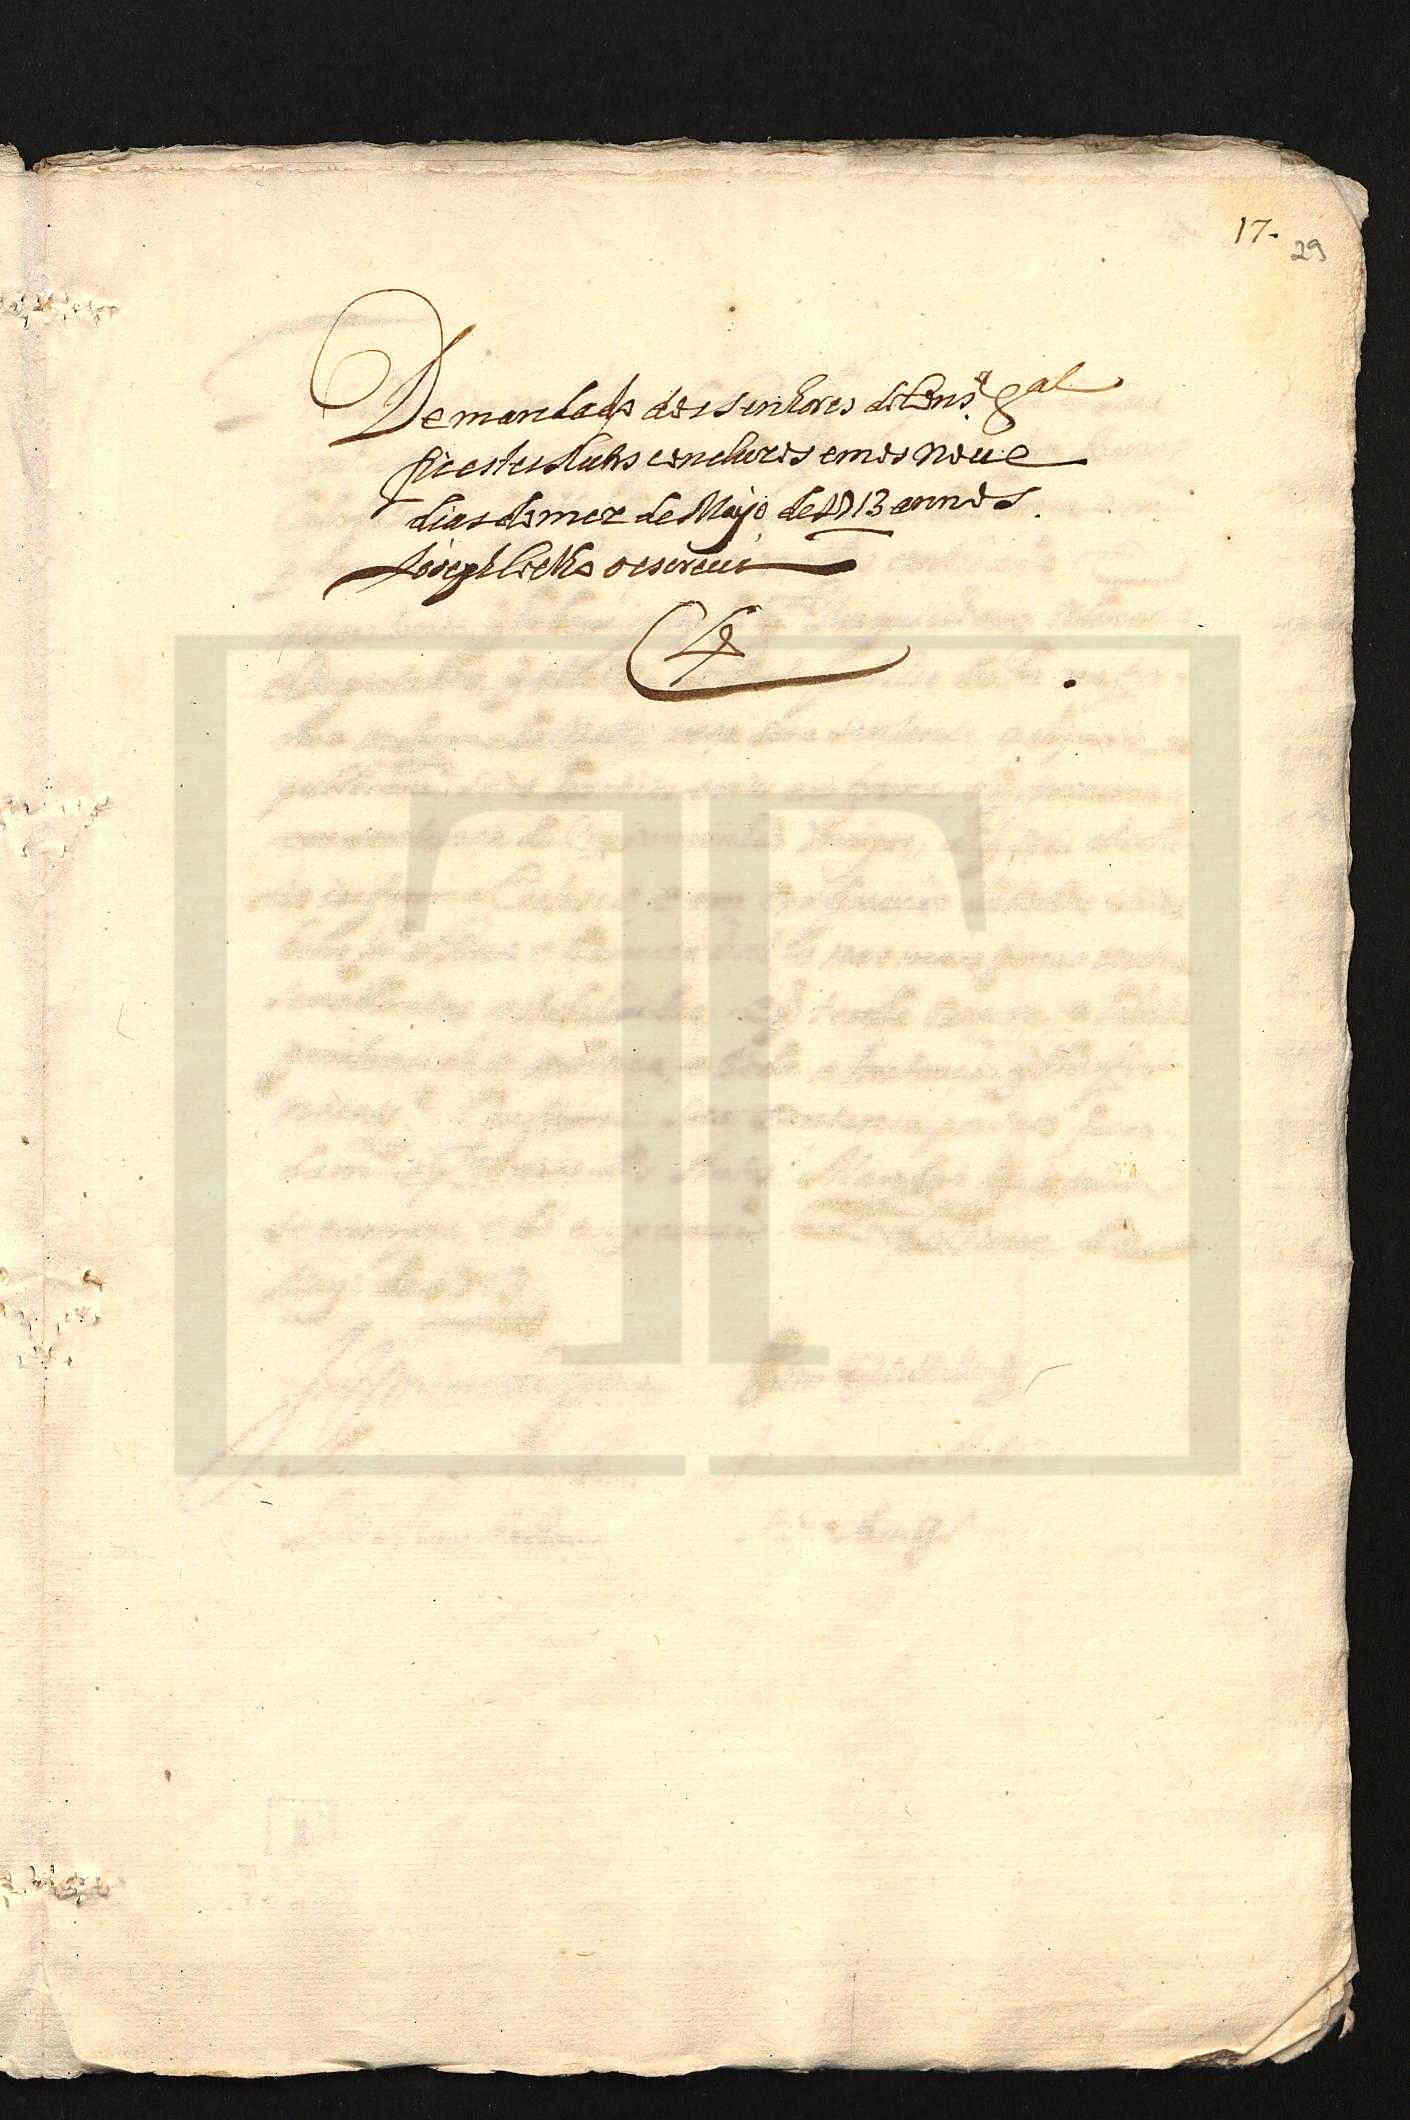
De mandado dos senhores de Cons.o Gal
fis estes Autos concluzos em os noue
dias do mez de Mayo de 1713 annos
Joseph Coelho o escreui
CLo
